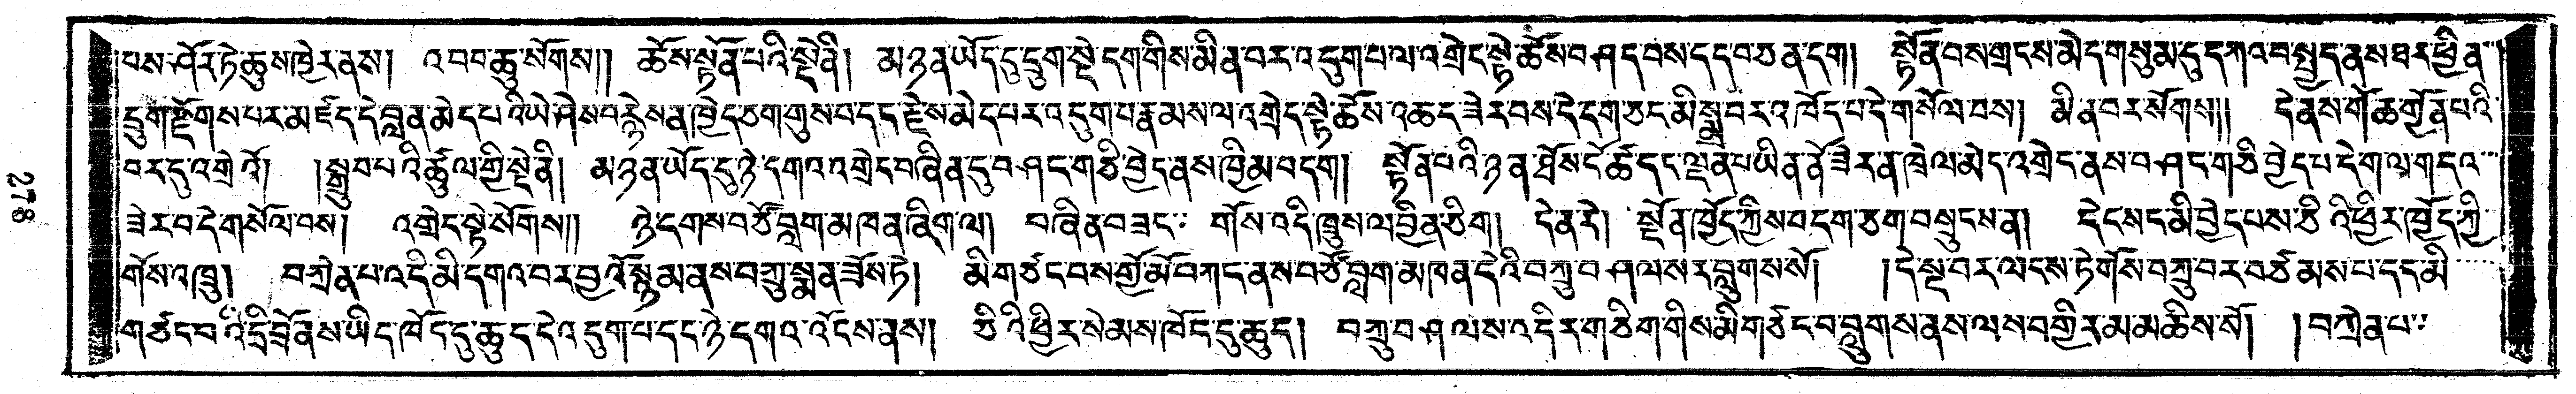པས་ཤོར་ཏེ་ཆུས་ཁྱེར་ནས། འབབ་ཆུ་སོགས།། ཆོས་སྟོན་པའི་སྡེ་ནི། མཉན་ཡོད་དུ་དྲུག་སྡེ་དག་གིས་མིན་པར་འདུག་པ་ལ་འགྲེང་སྟེ་ཆོས་བཤད་པས་དད་པ་ཅན་དག། སྟོན་པས་གྲངས་མེད་གསུམ་དུ་དཀའ་བ་སྤྱད་ནས་ཐར་ཕྱིན་
དྲུག་རྫོགས་པར་མཛད་དེ་བླ་ན་མེད་པའི་ཡེ་ཤེས་བརྙེས་ན་ཁྱེད་ཅག་གུས་པ་དང་རྗེས་མེད་པར་འདུག་པ་རྣམས་ལ་འགྲེད་སྟེ་ཆོས་འཆང་ཟེར་བས་དེ་དག་ཅང་མི་སྨྲ་བར་འཁོད་པ་དེ་གསོལ་བས། མིན་པར་སོགས།། དེ་ནས་གོ་ཆ་གྱོན་པའི་
བར་དུ་འགྲེའོ། །སྒྲུབ་པའི་ཚུལ་གྱི་སྡེ་ནི། མཉན་ཡོད་དུ་ཉེ་དགའ་འགྲེང་བཞིན་དུ་བཤང་གཅི་བྱེད་ནས་ཁྱིམ་བདག། སྟོན་པའི་ཉན་ཐོས་ངོ་ཚ་དང་ལྡན་པ་ཡིན་ནོ་ཟེར་ན་ཁྲེལ་མེད་འགྲེང་ནས་བཤང་གཅི་བྱེད་པ་དེ་ག་ལ་གདའ་
ཟེར་བ་དེ་གསོལ་བས། འགྲེང་སྟེ་སོགས།། ཉེ་དགས་བཙོ་བླག་མཁན་ཞིག་ལ། བཞིན་བཟང་གོས་འདི་ཁྲུས་ལ་བྱིན་ཅིག། དེ་ན་རེ། སྔོན་ཁྱོད་ཀྱིས་བདག་ཅག་བསྲུངས་ན། དེང་སང་མི་བྱེད་པས་ཅིའི་ཕྱིར་ཁྱོད་ཀྱི་
གོས་འཁྲུ། བཀྲེན་པ་འདི་མི་དགའ་བར་བྱའོ་སྙམ་ནས་བཀྲུ་སྨན་ཟོས་ཏེ། མི་གཙང་བས་གྱོ་མོ་བཀང་ནས་བཙོ་བླག་མཁན་དེའི་བཀྲུ་བཤལ་སར་བླུགས་སོ། །དེ་སྔ་བར་ལངས་ཏེ་གོས་བཀྲུ་བར་བཙམས་པ་དད་མི་
གཙང་བའི་དྲི་བྲོ་ནས་ཡིད་ཁོད་དུ་ཆུད་དེ་འདུག་པ་དང་ཉེ་དགའ་འོངས་ནས། ཅིའི་ཕྱིར་སེམས་ཁོང་དུ་ཆུད། བཀྲུ་བཤ་ལས་འདིར་གཅིག་གིས་མི་གཙང་བ་བླུགས་ནས་ལས་བགྱིར་མ་མཆིས་སོ། །བཀྲེན་པ་